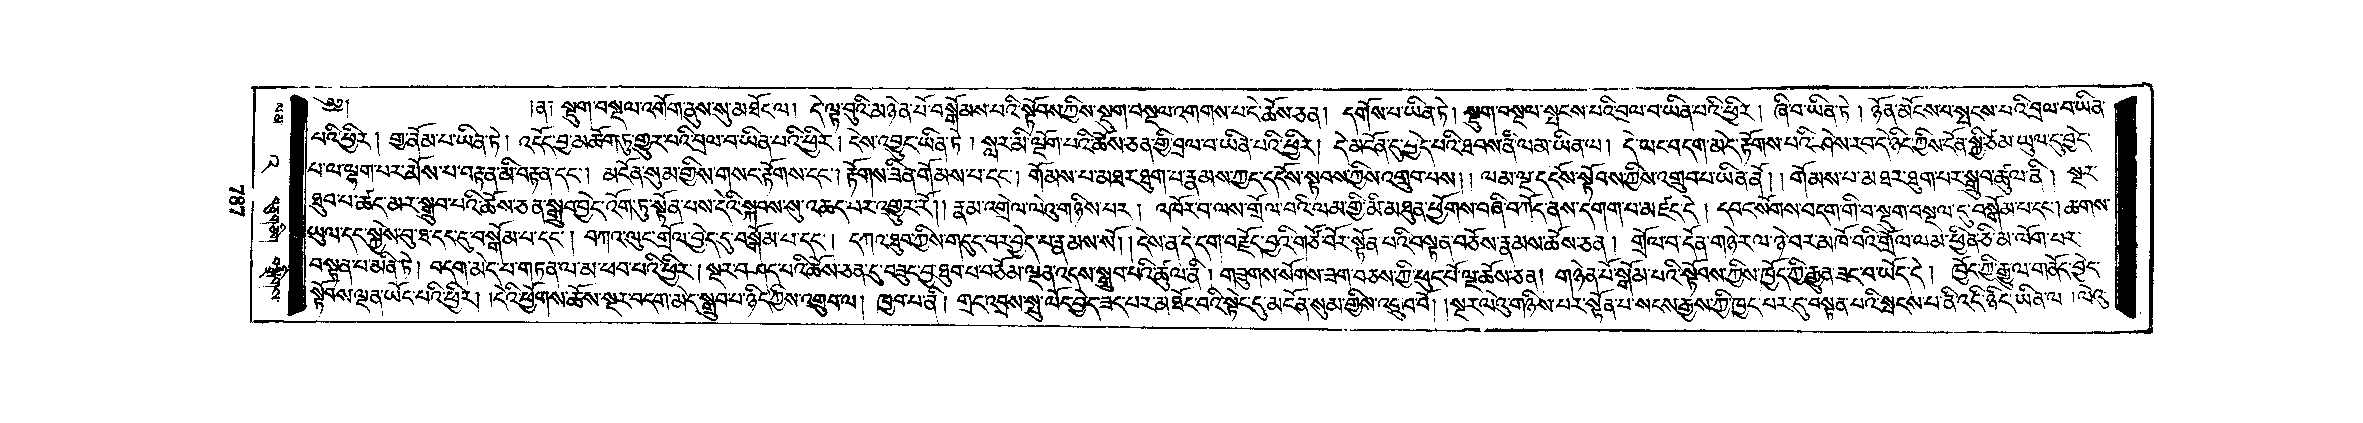༄༅། །ན། སྡུག་བསྔལ་འགོག་ནུས་སུ་མཐོང་ལ། དེ་ལྟ་བུའི་མཉེན་པོ་བསྒོམས་པའི་སྟོབས་ཀྱིས་སྡུག་བསྔལ་འགགས་པ་དེ་ཆོས་ཅན། དགོས་པ་ཡིན་ཏེ། སྡུག་བསྔལ་སྤངས་པའི་བྲལ་བ་ཡིན་པའི་ཕྱིར། ཞི་བ་ཡིན་ཏེ། ཉོན་མོངས་པ་སྤངས་པའི་བྲལ་བ་ཡིན་
པའི་ཕྱིར། གྱ་ནོམ་པ་ཡིན་ཏེ། འདོད་བྱ་མཆོག་ཏུ་གྱུར་པའི་བྲལ་བ་ཡིན་པའི་ཕྱིར། ངེས་འབྱུང་ཡིན་ཏེ། སླར་མི་ལྡོག་པའི་ཆོས་ཅན་གྱི་བྲལ་བ་ཡིན་པའི་ཕྱིར། དེ་མངོན་དུ་བྱེད་པའི་ཐབས་ནི་ལམ་ཡིན་ལ། དེ་ཡང་བདག་མེད་རྟོགས་པའི་ཤེས་རབ་དེ་ཉིད་ཀྱིས་དོན་སྐྱི་ཙམ་ཡུལ་དུ་བྱེད་
པ་ལ་ལྷག་པར་མོས་པ་བརྟན་མི་བརྟན་དང་། མངོན་སུམ་གྱིས་གསང་རྟོགས་དང་། རྟོགས་ཟིན་གོམས་པ་དང་། གོམས་པ་མཐར་ཐུག་པ་རྣམས་ཀྱང་དངོས་སྟབས་ཀྱིས་འགྲུབ་པས། །ལམ་ལྔ་དངོས་སྟོབས་ཀྱིས་འགྲུབ་པ་ཡིན་ནོ། །གོམས་པ་མཐར་ཐུག་པར་སྒྲུབ་ཚུལ་ནི། སྔར་
ཐུབ་པ་ཚད་མར་སྒྲུབ་པའི་ཆོས་ཅན་སྒྲུབ་བྱེད་འོག་ཏུ་སྟོན་པས་དེའི་སྐབས་སུ་འཆད་པར་འགྱུར་རོ། །རྣམ་འགྲེལ་ལེའུ་གཉིས་པར། འཁོར་བ་ལས་གྲོལ་བའི་ལམ་གྱི་མི་མཐུན་ཕྱོགས་བཞི་བཀོད་ནས་དགག་པ་མཛད་དེ། དབང་སོགས་བདག་གི་བ་སྡུག་བསྔལ་དུ་བསྒོམ་པ་དང་། ཆགས་
ཡུལ་དང་སྐྱེས་བུ་ཐ་དང་དུ་བསྒོམ་པ་དང་། བཀའ་ལུང་གྲོལ་བྱེད་དུ་བསྒོམ་པ་དང་། དཀའ་ཐུབ་ཀྱིས་གདུང་བར་བྱེད་པ་རྣམས་སོ། །དེས་ན་དེ་དག་བརྗོད་བྱའི་གཙོ་བོར་སྟོན་པའི་བསྟན་བཅོས་རྣམས་ཆོས་ཅན། གྲོལ་བ་དོན་གཉེར་ལ་ཉེ་བར་མཁོ་བའི་གྲོལ་ལམ་ཕྱིན་ཅི་མ་ལོག་པར་
བསྟན་པ་མིན་ཏེ། བདག་མེད་པ་གཏན་ལ་མ་ཕབ་པའི་ཕྱིར། སྔར་བཤད་པའི་ཆོས་ཅན་དུ་བཟུང་བྱ་ཐུབ་པ་བཅོམ་ལྡན་འདས་སྒྲུབ་པའི་ཚུལ་ནི། གཟུགས་སོགས་ཟག་བཅས་ཀྱི་ཕུང་པོ་ལྔ་ཆོས་ཅན། གཉེན་པོ་སྒོམ་པའི་སྟོབས་ཀྱིས་ཁྱོད་ཀྱི་རྒྱུན་ཟད་བ་ཡོད་དེ། ཁྱོད་ཀྱི་རྒྱུ་ལ་གནོད་བྱེད་
སྟོབས་ལྡན་ཡོད་པའི་ཕྱིར། དེའི་ཕྱོགས་ཆོས་སྔར་བདག་མེད་སྒྲུབ་པ་ཉིད་ཀྱིས་འགྲུབ་ལ། ཁྱབ་པ་ནི། གྲང་འབྲས་སྤུ་ལོང་བྱེད་ཟད་པར་མཐོང་བའི་སྟེང་དུ་མངོན་སུམ་གྱིས་འགྲུབ་བོ། །སྔར་ལེའུ་གཉིས་པར་སྟོན་པ་སངས་རྒྱས་ཀྱི་ཁྱད་པར་དུ་བསྟན་པའི་སྤངས་པ་ནི་འདི་ཉིད་ཡིན་ལ། ལེའུ་